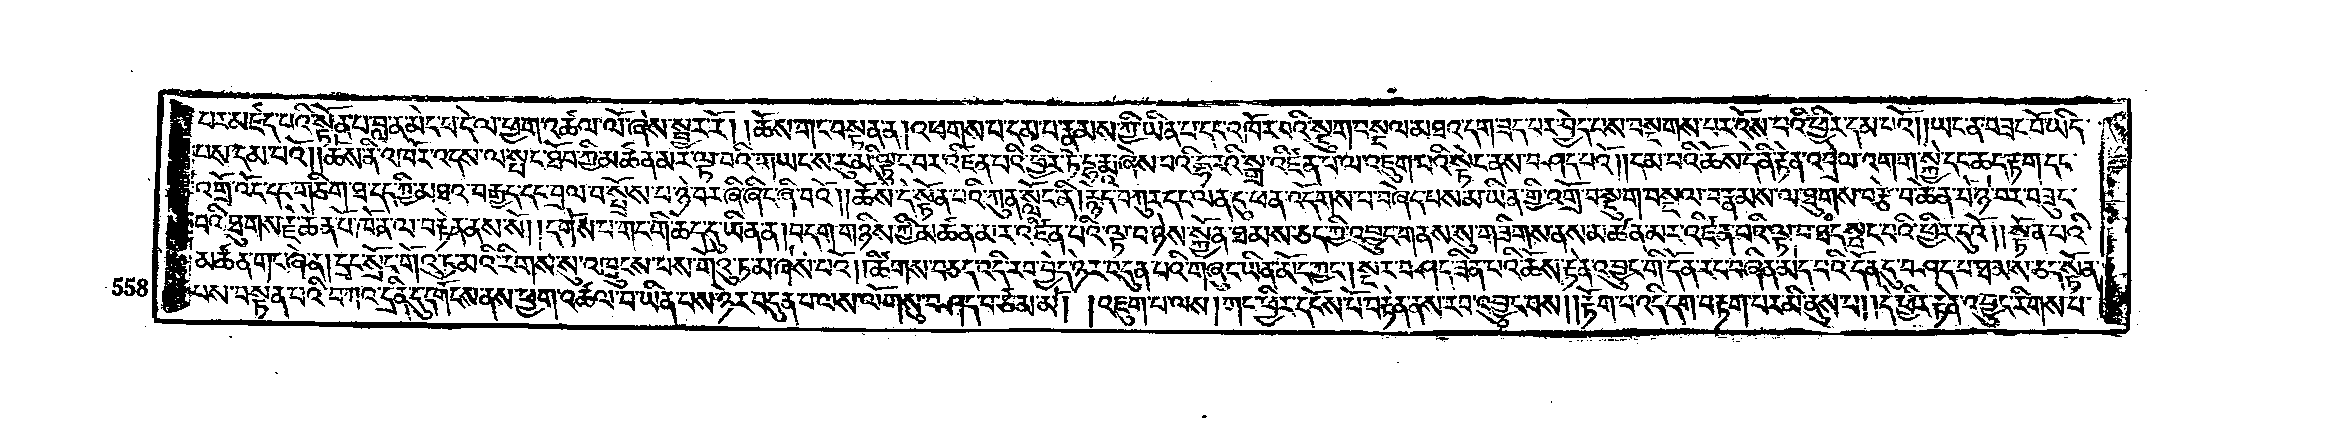པར་མཛད་པའི་སྟོན་པ་བླ་ན་མེད་པ་དེ་ལ་ཕྱག་འཚལ་ལོ་ཞེས་སྦྱར་རོ། །ཆོས་གང་བསྟན་ན། འཕགས་པ་དམ་པ་རྣམས་ཀྱི་ཡིན་པ་དང་འཁྲོ་བའི་སྡུག་བསྔལ་མཐའ་དག་ཟད་པར་བྱེད་པས་བསྔགས་པར་འོས་པའི་ཕྱིར་དམ་པའོ། །ཡང་ན་བང་པོ་ཡིན་
པས་དམ་པའོ། །ཆོས་ནི་འཁོར་འདས་ལ་སྤང་ཐོབ་ཀྱི་མཚན་མར་ལྟ་བའི་གཡང་ས་རུ་མི་ལྷུང་བར་འཛིན་པའི་ཕྱིར་ཏེ། དྷ་རྨཱ་ཞེས་པའི་དྷ་རའི་སྒར་འཛིན་པ་ལ་འཇུག་པའི་སྟེང་ནས་བཤད་པའོ། །དམ་པའི་ཆོས་དེ་ནི་རྟེན་འབྲེལ་འགག་སྐྱེ་དང་ཆད་རྟག་དང་
འགྲོ་འོད་དང་གཅིག་ཐ་དད་ཀྱི་མཐའ་བརྒྱད་དང་བྲལ་བ་སྤྲོས་པ་ཉེ་བར་ཞི་ཞིང་ཞི་བའོ། །ཆོས་དེ་སྟོན་པའི་ཀུན་སློང་ནི། རྙེད་བཀུར་དང་ལན་དུ་ཕན་འདོགས་པ་བཞེད་པས་མ་ཡིན་གྱི་འགྲོ་བ་སྡུག་བསྔལ་བ་རྣམས་ལ་ཐུགས་བརྩེ་བ་ཆེན་པོ་ཉེ་བར་བཟུང་
བའི་ཐུགས་རྗེ་ཆེན་པོ་ཁོ་ན་ལ་བརྟེན་ནས་སོ། །དགོས་པ་གང་གི་ཆེད་དུ་ཡིན་ན། བདག་གཉིས་ཀྱི་མཚན་མར་འཛིན་པའི་ལྟ་བ་ཉེས་སྐྱོན་ཐམས་ཅད་ཀྱི་འབྱུང་གནས་སུ་གཟིགས་ནས་མཚན་མར་འཛིན་པའི་ལྟ་བ་ཐཾད་སྤང་པའི་ཕྱིར་དུའོ། །སྟོན་པའི་
མཚན་གང་ཞེ་ན། དྲང་སྲོང་གོའུ་ཏ་མའི་རིགས་སུ་འཁྲུངས་པས་གོའུ་ཏ་མ་ཞེས་པའོ། །ཚིགས་བཅད་འདི་རབ་བྱེད་ཉེར་བདུན་པའི་གཞུང་ཡིན་མོད་ཀྱང་། སྔར་བཤད་ཟིན་པའི་ཆོས་རྟེན་འབྱུང་གི་དོན་རང་བཞིན་མེད་པའི་དོན་དུ་བཤད་པ་ཐམས་ཅད་སྟོན་
པས་བསྟན་པའི་བཀའ་དྲིན་དུ་དགོངས་ནས་ཕྱག་འཚལ་བ་ཡིན་པས་ཉེར་བདུན་པ་ལས་ལོག་སུ་བཤད་པ་ཙམ་མོ། །འཇུག་པ་ལས། གང་ཕྱིར་དངོས་པོ་བརྟེན་ནས་རབ་འབྱུང་བས། །རྟོག་པ་འདི་དག་བརྟག་པར་མི་ནུས་པ། དེའི་ཕྱིར་རྟེན་འབྱུང་རིགས་པ་